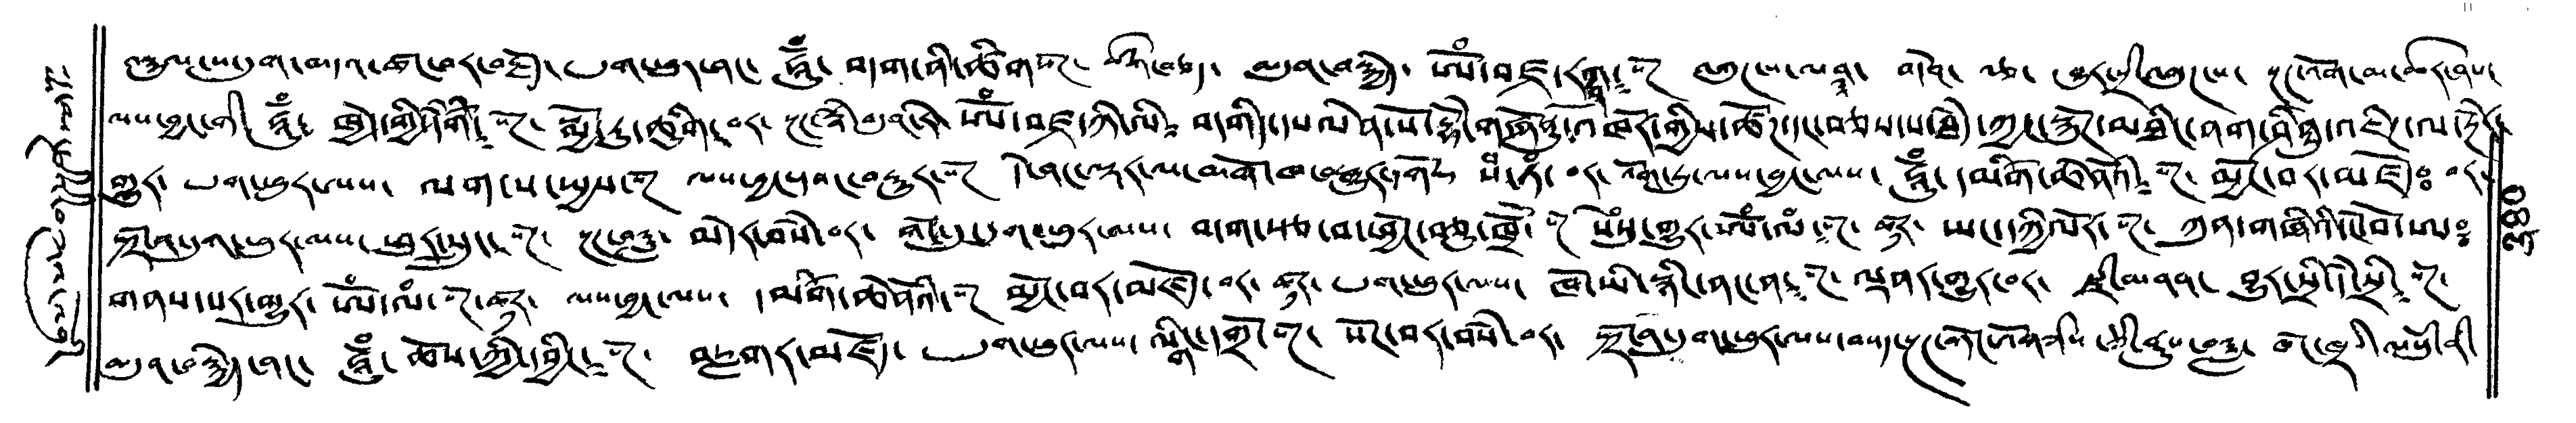བསྐུལ་པ་དུག་མདའ་ཚང་བར་བརྗོད། དུག་ཕུར་ནང་། ཧཱུྃ༔ བདག་ནི་ཚིག༴ སོགས། ཚིགས་བཅད། མདུན་བསྐྱེད། ཨོཾ་བཛྲ་རཀྴ༴ སོགས། འགུགས་པ་ལན་གསུམ། བདེན། རྩ། བྱུར་སྲི་འགུགས་པ། སྔགས་འོག་མ་ཚར་ནས་
ལས་བྱང་གི ཧཱུྃ༔ ཁྱེད་ཀྱི་དམ་ཚིག༴ སོགས། སྨྱོ་རུ་ཆུག༴ བར། སྔགས་རྣམས་བདུན་རེ། ཨོཾ་བཛྲ་ཀི་ལི༴ བདག་ཉིད་དཔལ་ཆེན་པོ་རྡོ་རྗེ་གཞོན་ནུ་འཁོར་གྱིས་ཚོགས་དང་བཅས་པ་ཐམས་ཅད་ཀྱང་སྐུ་མདོག་མཐིང་ནག་ཤིན་ཏུ་འཇིགས་ལ་རྔམས་པར་
གྱུར། དུག་ཕུར་ལས། ལག་པ་གཡས༴ སོགས། ལས་བྱང་དབང་བསྐུར་སོགས་དེ་ནང་ལྟར་ལ་མགོ་ཁ་བསྒྱུར་དགོས། པྱཾ་ཏཾ༴ བར། འོག་ཏུ་ལས་བྱང་ལས།ཧཱུྃ༔ དམ་ཚིག་ཆེན་པོའི༴ སོགས། མྱོང་བར་མཛོད༔ བར་
སྤྲོ་ན་དུག་ཕུར་ལས། ཕུར་སྲུང༴ སོགས། སྔགས་བཟླ། མེད་པར་བསམ་བར། གོང་དུ་དུག་ཕུར་ལས། བདག་རྩ་བ་ཕྱོགས་བཅུ་ཁྲོ་བོ༴ སོགས། སེམས་སུ་གྱུར། ཨོཾ་ལཾ༴ སོགས། ཚར་གཅིག ཡང་དཀྱིལ་འཁོར༴ སོགས། ཀུན་གཞིའི་ངོ་བོ་ཨཱཿ 
གནས་པར་གྱུར། ཨོཾ་ལཾ༴ སོགས་ཚར་གཅིག ལས་བྱང་ལས། དམ་ཚིག་ཆེན་པོའི༴ སོགས། མྱོང་བར་མཛོད༔ བར་ཚར་གཅིག དུག་ཕུར་ལས། ཁོ་ཡི་སྙིང་ནང་ན༴ སོགས། ལྡན་པར་གྱུར། བར། སྲི་མནན། བྱུར་སྲི་དམ་སྲི༴ སོགས། 
མདུན་བསྐྱེད་ནང་། ཧཱུྃ༔ ཆོས་ཀྱི་དབྱིངས༴ སོགས། བརླག་པར་མཛོད༔ དུག་ཕུར་ལས། ལིངྒ་དགྲ་བོ༴ སོགས། སོང་བར་བསམ། བར། སྤྲོ་ན་དུག་ཕུར་ལས། བསད་སྔགས་གོང་འོག་གཉིས་ཅི་ནུས་བཟླ། ( ཁོང་ཁྲའི་ ?) ལས་གསུམ་ནི་